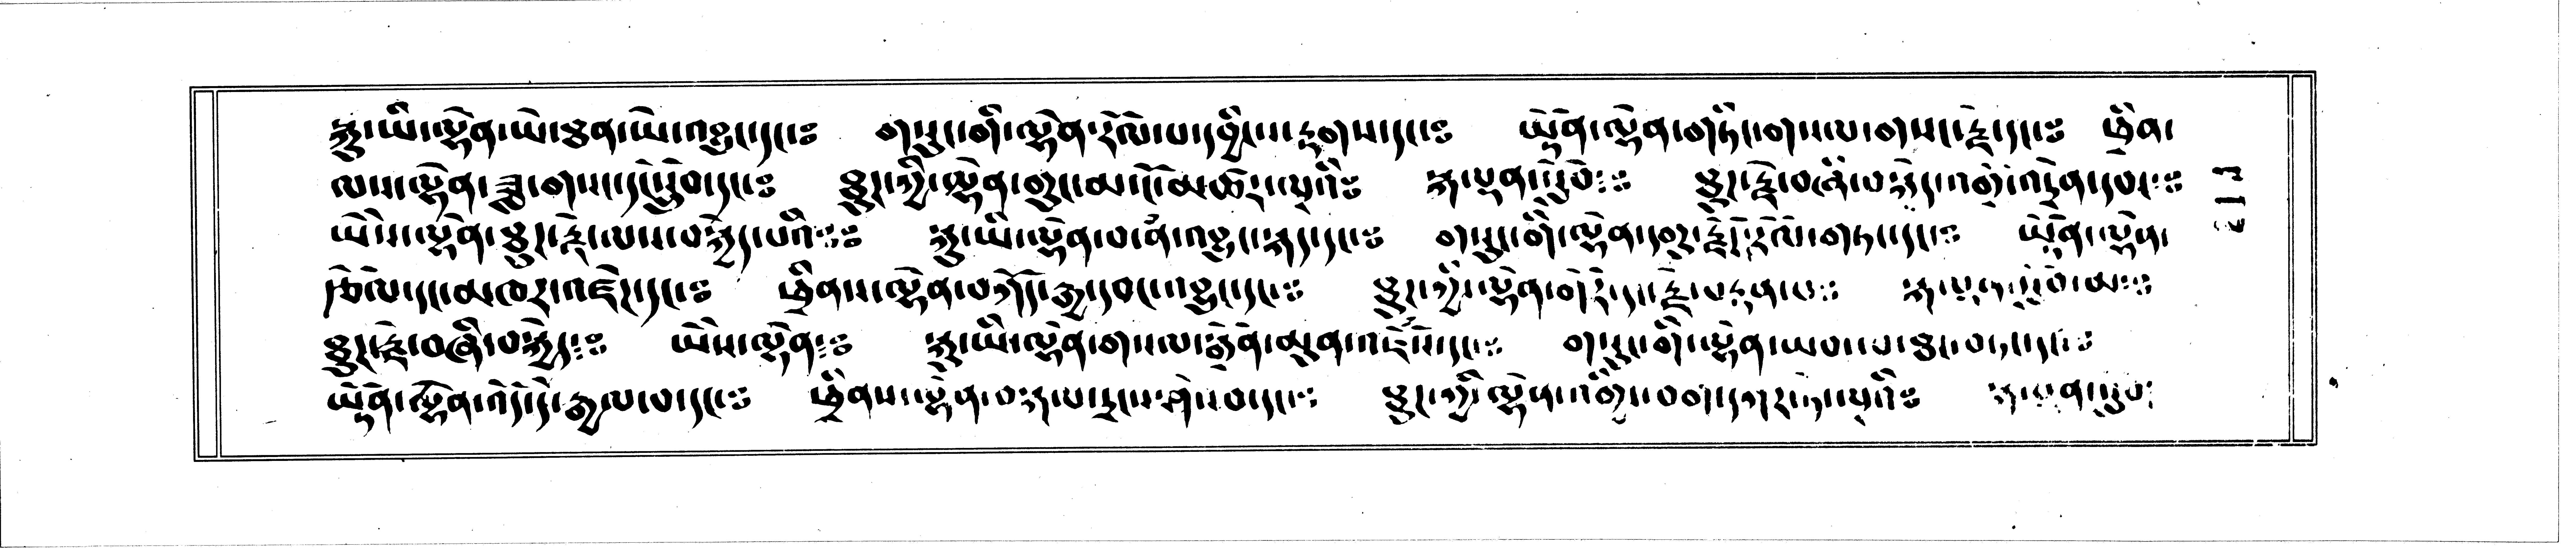སྐུ་ཡི་ལྷ་ཆེན་ཡེ་ཐུན་ཡེ་འབྱུང་དངཿ གསུང་གི་ལྷ་ཆེན་རོལ་པ་དབྱིངས་རྟགས་དངཿ ཡོན་ཏན་ལྷ་ཆེན་གཏིང་གསལ་གསང་རྗེ་དངཿ ཕྲིན་
ལས་ལྷ་ཆེན་ཟླ་གསང་དངོས་གྲུབ་དངཿ ཐུགས་ཀྱི་ལྷ་ཆེན་གུང་མ་ངོ་མཚར་ལྔའིཿ སྐལ་ལྡན་སློབ་མ་རྣམས་ལ་དབང་བསྐུར་བསཿ ཐུགས་རྗེ་གཟི་བརྗིད་འགྲོ་འདྲེན་དབང་ཐོབ་ཤོགཿ 
ཡེ་ཤེས་ལྷ་ཆེན་ཐུགས་རྗེ་ལས་བསྐྱེད་པའིཿ སྐུ་ཡི་ལྷ་ཆེན་བ་ནམ་འབྱུང་སྐས་དངཿ གསུང་གི་ལྷ་ཆེན་དགུ་རྫོགས་རོལ་བཏང་དངཿ ཡོན་ཏན་ལྷ་ཆེན་
རྩོལ་དང་མཁར་འཛེགས་དངཿ ཕྲིན་ལས་ཀྱི་ལྷ་ཆེན་བཀོད་བརྒྱ་དབང་འབྱུང་དངཿ ཐུགས་ཀྱི་ལྷ་ཆེན་གོར་དང་རྗེ་བརྟན་པ་ཡིསཿ སྐལ་ལྡན་སློབ་མ་རྣམས་ལ་དབང་བསྐུར་བསཿ
 ཐུགས་རྗེ་གཟི་བརྗིད་འགྲོ་འདྲེན་དབང་ཐོབ་ཤོགཿ ཡེ་ཤེས་ལྷ་ཆེན་ཐུགས་རྗེ་ལས་བསྐྱེད་པའིཿ སྐུ་ཡི་ལྷ་ཆེན་གསལ་སྒྲོན་མུན་འཇོམས་དངཿ གསུང་གི་ལྷ་ཆེན་ཡབ་ལ་ཐོག་བཏང་དངཿ 
ཡོན་ཏན་ལྷ་ཆེན་འོད་དེ་རྒྱལ་བ་དངཿ ཕྲིན་ལས་ལྷ་ཆེན་བསྐལ་གྲངས་ཤེས་རབ་དངཿ ཐུགས་ཀྱི་ལྷ་ཆེན་འགྱིང་བག་དཀར་ཏེ་ལྔའིཿ སྐལ་ལྡན་སློབ་མ་རྣམས་ལ་དབང་བསྐུར་བསཿ